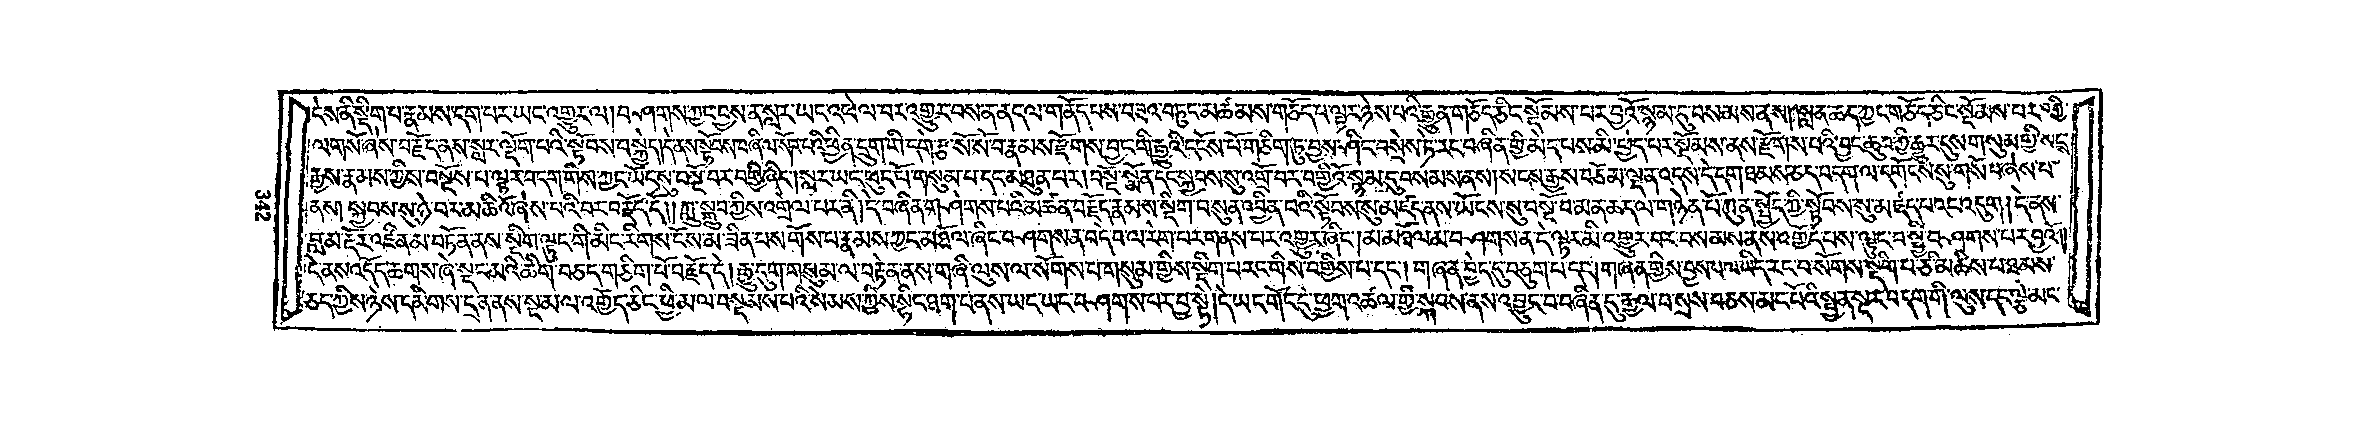དེས་ནི་སྡིག་པ་རྣམས་དག་པར་ཡང་འགྱུར་ལ། བཤགས་ཀྱང་བྱས་ན་སླར་ཡང་འཕེལ་བར་འགྱུར་བས་ན་ནད་ལ་གནོད་པས་བཟའ་བཏུང་མཚམས་གཅོད་པ་ལྟར་ཉེས་པའི་རྒྱུན་གཅོད་ཅིང་སྡོམས་པར་བྱའོ་སྙམ་དུ་བསམས་ནས། །སླན་ཆད་ཀྱང་གཅོད་ཅིང་སྡོམས་པར་བགྱི་
ལག་སོ་ཞེས་བརྗོད་ནས་སླར་ལྡོག་པའི་སྟོབས་བསྐྱེད། དེ་ནས་སྟོབས་བཞི་ལ་སོགས་པའི་ཕྱིན་དྲུག་གི་དགེ་རྩ་སོ་སོ་བ་རྣམས་རྫོགས་བྱང་གི་རྒྱུའི་དངོས་པོ་གཅིག་ཏུ་བྱས་ཤིང་བསྲེས་ཏེ་རང་བཞིན་གྱི་མེད་པས་མི་ཕྱེད་པར་སྡོམས་ནས་རྫོགས་པའི་བྱང་ཆུབ་ཀྱི་རྒྱུར་དུས་གསུམ་གྱི་སངས་
རྒྱས་རྣམས་ཀྱིས་བསྔོས་པ་ལྟར་བདག་གིས་ཀྱང་ཡོངས་སུ་བསྔོ་བར་བགྱི་ཞིང་། སླར་ཡང་ཕུང་པོ་གསུམ་པ་དང་མཐུན་པར། བསྔོ་སྨོན་དང་སྐྱབས་སུ་འགྲོ་བར་བགྱིའོ་སྙམ་དུ་བསམས་ནས། སངས་རྒྱས་བཅོམ་ལྡན་འདས་དེ་དག་ཐམས་ཅད་བདག་ལ་དགོངས་སུ་གསོ་པ་ཞེས་པ་
ནས། སྐྱབས་སུ་ཉེ་བར་མཆིའོ་ཞེས་པའི་བར་བརྗོད་དོ། །ཀླུ་སྒྲུབ་ཀྱིས་འགྲེལ་པར་ནི། དེ་བཞིན་གཤེགས་པའི་མཚན་བརྗོད་རྣམས་སྡིག་པ་སུན་འབྱིན་པའི་སྟོབས་སུ་མཛད་ནས་ཡོངས་སུ་བསྔོ་བ་མན་ཆད་ལ་གཉེན་པོ་ཀུན་སྤྱོད་ཀྱི་སྟོབས་སུ་མཛད་པའང་འདུག །དེ་ནས་
བླ་མ་རྡོར་འཛིན་མ་བཏོན་ནས་སྡིག་ལྟུང་གི་མིང་རིགས་ངོས་མ་ཟིན་པས་གོས་པ་རྣམས་ཀྱང་མཐོལ་ཞིང་བཤགས་ན་བདེ་བ་ལ་རེག་པར་གནས་པར་འགྱུར་ཞིང་། མ་མཐོལ་མ་བཤགས་ན་དེ་ལྟར་མི་འགྱུར་བར་བསམས་ནས་འགྱོད་པས་ལྟུང་བ་སྤྱི་བཤགས་པར་བྱའོ། །
དེ་ནས་འདོད་ཆགས་ཞེ་སྡང་མའི་ཚིག་བཅད་གཅིག་པོ་བརྗོད་དེ། རྒྱུ་དུག་གསུམ་ལ་བརྟེན་ནས་གཞི་ལུས་ལ་སོགས་པ་གསུམ་གྱིས་སྡིག་པ་རང་གིས་བགྱིས་པ་དང་། གཞན་བྱེད་དུ་བཅུག་པ་དང་། གཞན་གྱིས་བྱས་པ་ལ་ཡིད་རང་བ་སོགས་སྡིག་པ་ཅི་མཆིས་པ་ཐམས་
ཅད་ཀྱིས་ཉེས་དམིགས་དྲན་ནས་སྔ་མ་ལ་འགྱོད་ཅིང་ཕྱི་མ་ལ་བསྡམས་པའི་སེམས་ཀྱིས་སྙིང་ཐག་པ་ནས་ཡང་ཡང་བཤགས་པར་བྱ་སྟེ། དེ་ཡང་གོང་དུ་ཕྱག་འཚལ་གྱི་སྐབས་ནས་འབྱུང་བ་བཞིན་དུ་རྒྱལ་བ་སྲས་བཅས་མང་པོའི་སྤྱན་སྔར་བདག་གི་ལུས་དང་ལྕེ་མང་